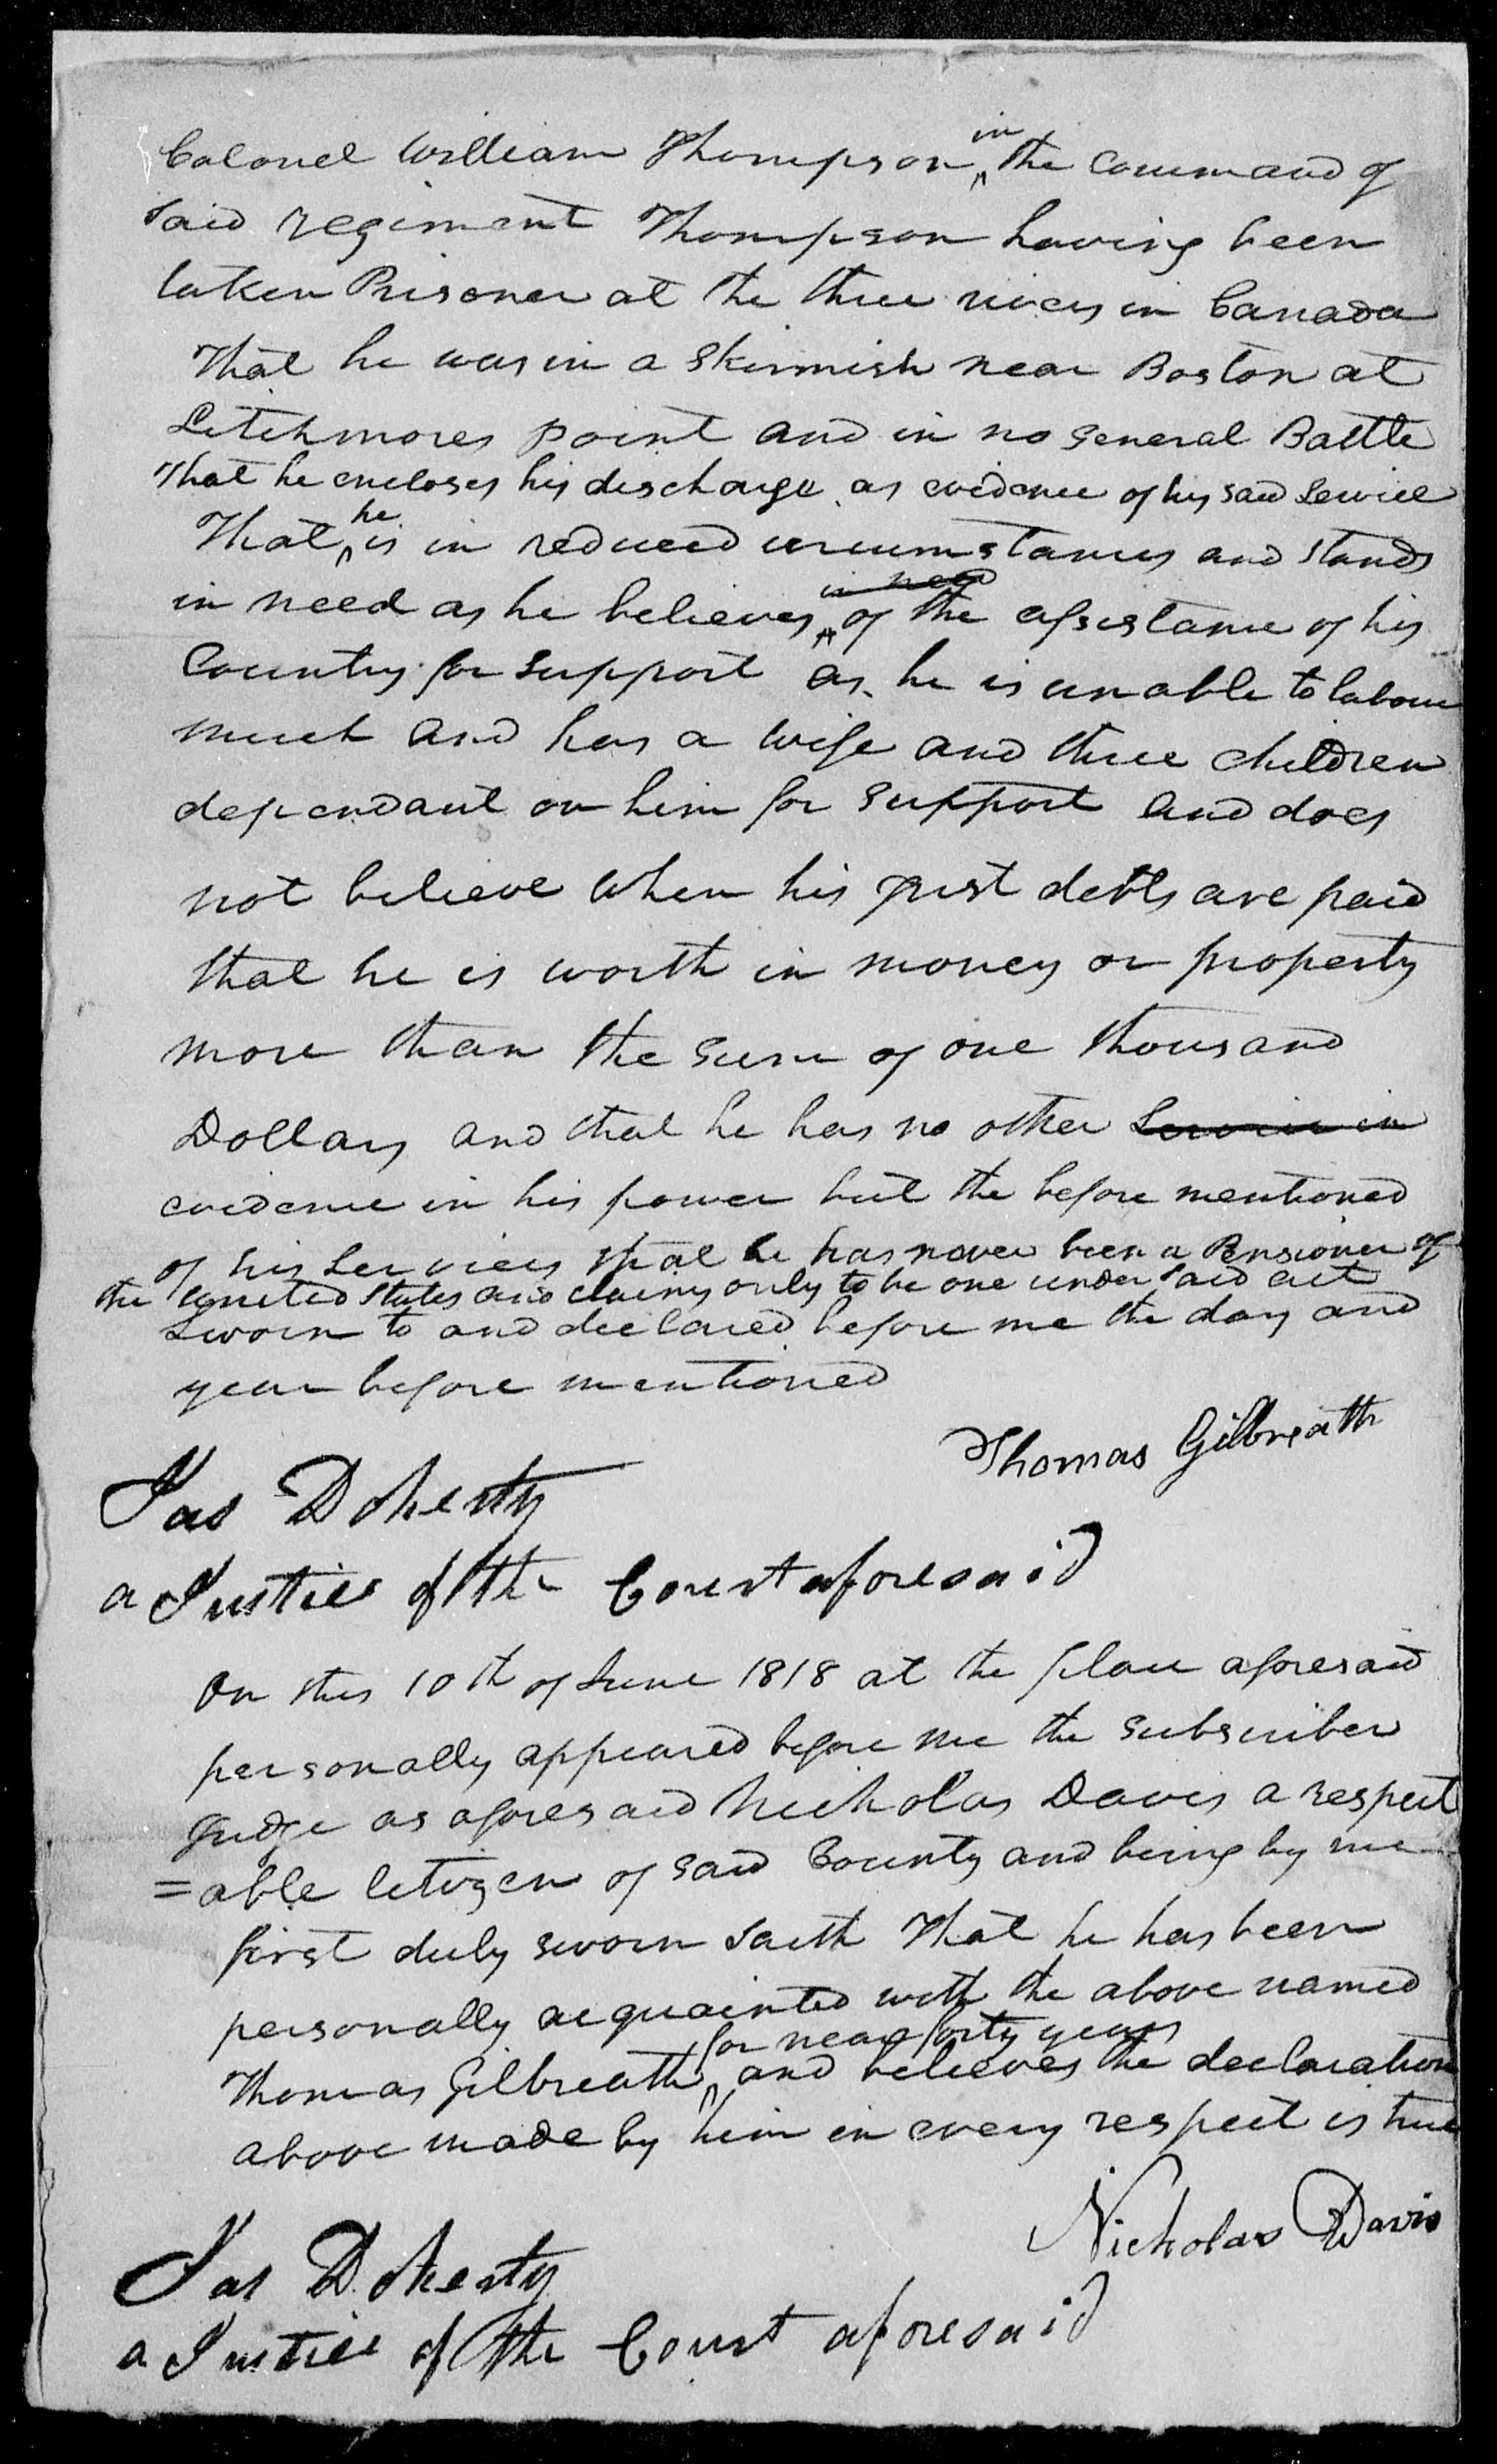Colonel William Thompson ^ in the command of said regiment Thompson having been taken Prisoner at the three [illegible] in Canada That he was in a skirmish near Boston at Litchmores Point and in no general Battle That he enclosed his discharges as evidence of his said Service That ^ he is in reduced circumstances and stands in need as he believes ^ [carat crossed out and word above crossed out and illegible] of the assistance of his Country for support as he is unable to labour much and has a wife and three children dependant [sic] on him for support and does not believe when his past debts are paid that he is worth in money or property more than the sum of one thousand 
Dollars  and that he has no other [following 2 word crossed out;] Service in 
evidence in his power but the before mentioned of his Services that he has never been a Pensioner of the United States and claims only to be one under said act 
Sworn to and declared before me the day and year before mentioned
Thomas Gilbreath
Jas Doherty
a Justice of the Court aforesaid
 On this 10th of June 1818 at the place aforesaid personally appeared before me the Subscriber Judge as aforesaid Nicholas Davis a respectable Citizen of said County and being by me first duly sworn Saith that he has been personally acquainted with the above named Thomas Gilbreath ^ for near forty years and believes the declaration above made by him in every respect is true
Nicholas Davis
Jas Doherty
a Justice of the Court aforesaid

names: Thomas Gilbreath, Nicholas Davis, William Thompson, Jas Doherty, Nicholas Davis, Thomas Gilbreath, Jas Doherty, Thompson, Battle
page: 4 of 24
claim: survivor's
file: S. 38727, Thomas Gilbreath, Penn.